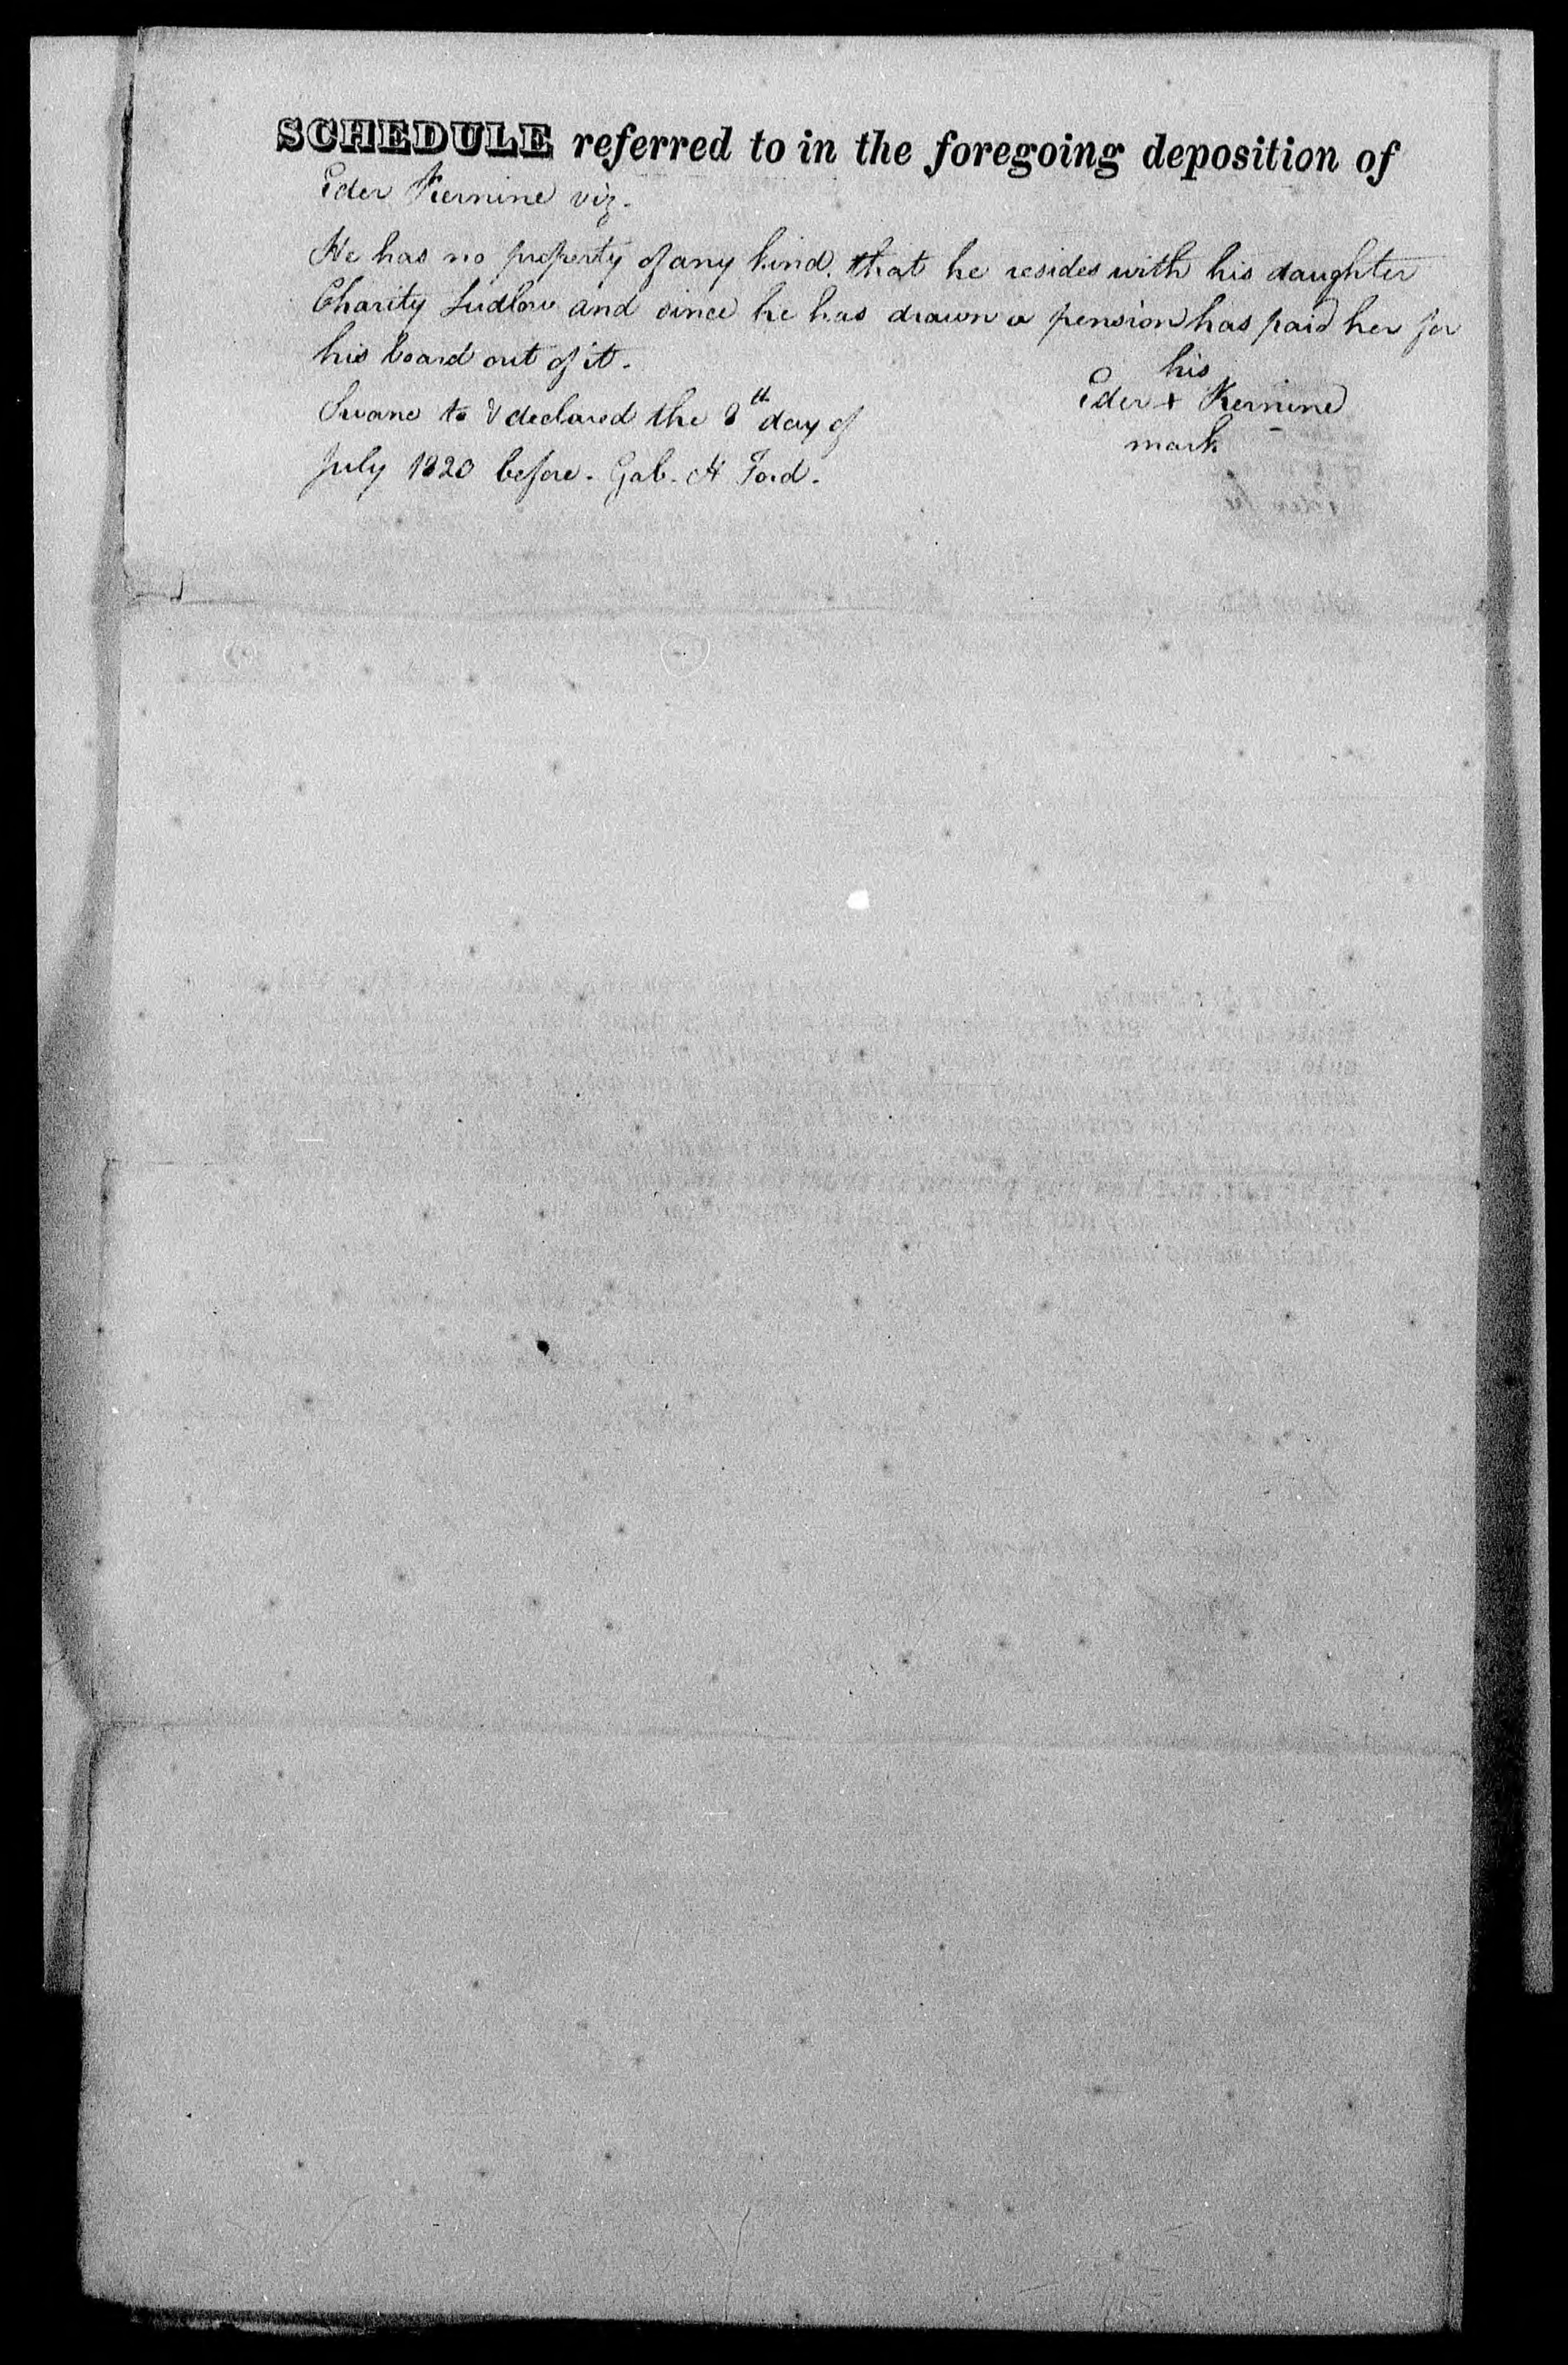SCHEDULE referred to in the foregoing deposition of
Eder Kernine viz.
He has no property of any kind, that he resides with his daughter
Charity Ludlow and since he has drawn a pension has paid her for
his board out of it
his
Sworn to & declared the 8th day of
der & Kernine
July 1820 before Gal H Ford
mark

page: 5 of 15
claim: survivor's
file: S. 33351, for Eder Kernine, New Jersey